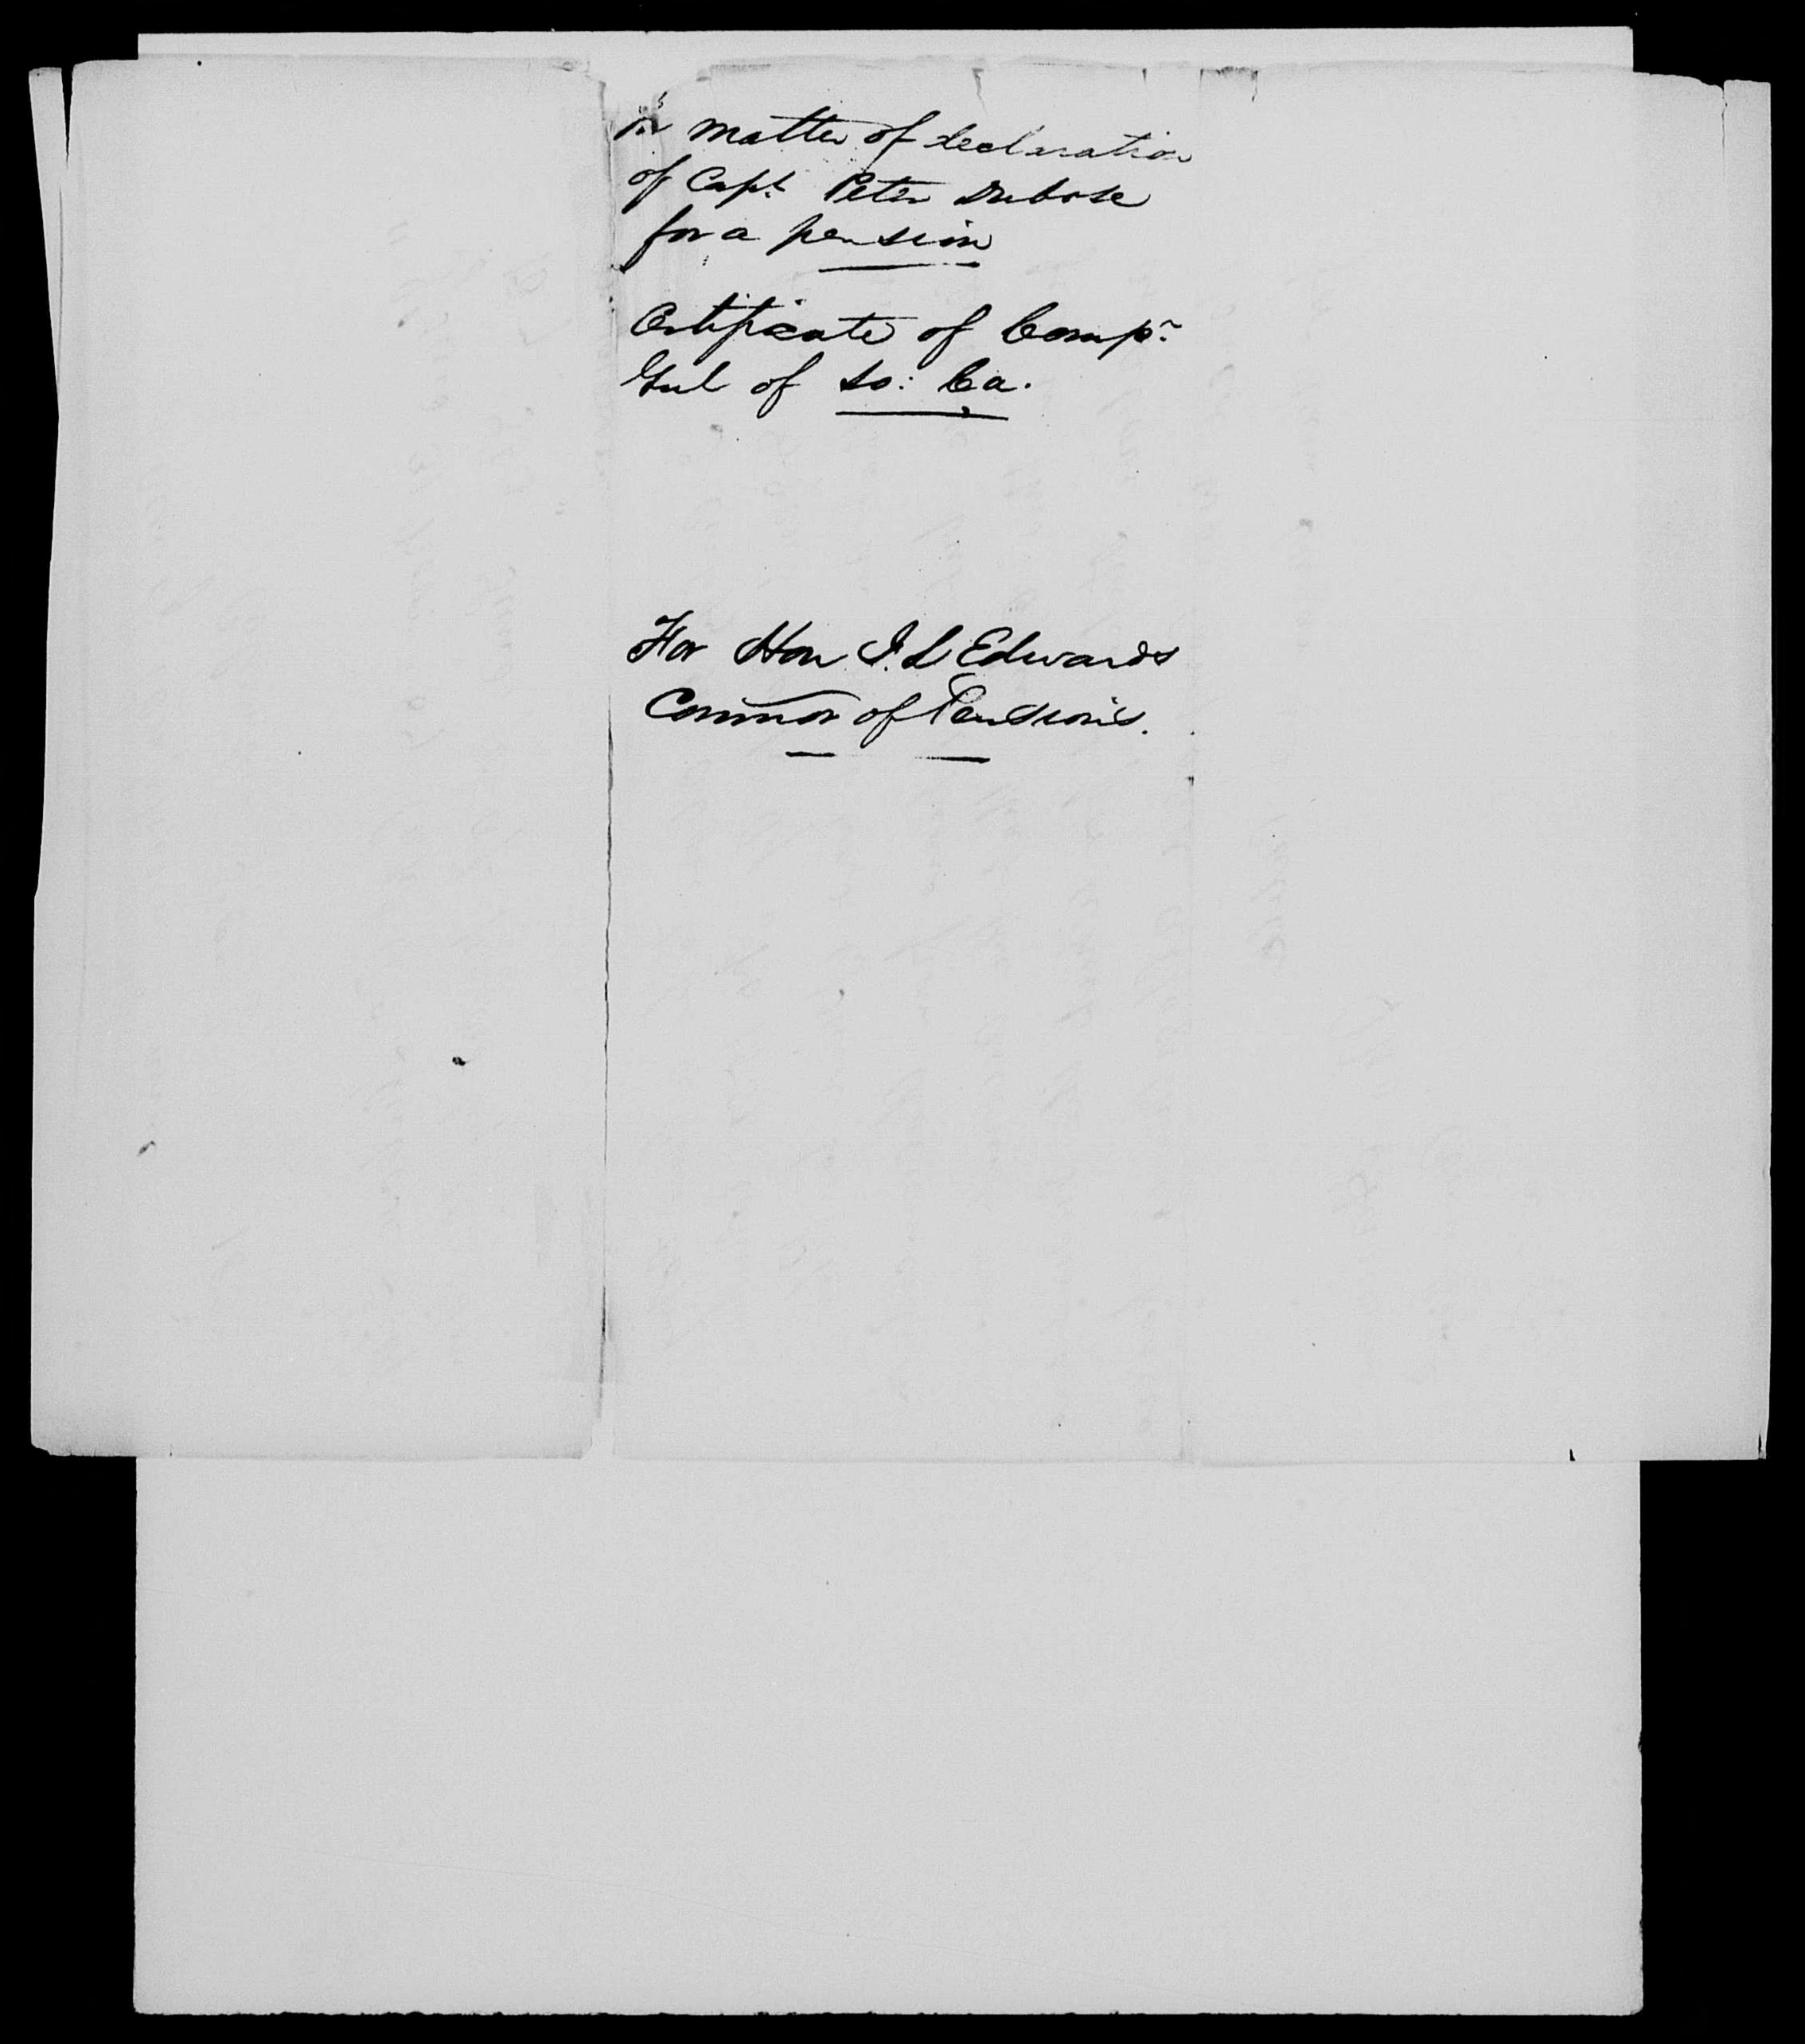A matter of declaration of Capt. Peter Dubose for a pension  . Certificate of Comp. Genl.  of So. Ca.  For Hon J.L. Edwards Comm. of Pensions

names: J L Edwards, Peter Dubose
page: 32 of 43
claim: survivor's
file: S. 21163, Peter Dubose, S.C.